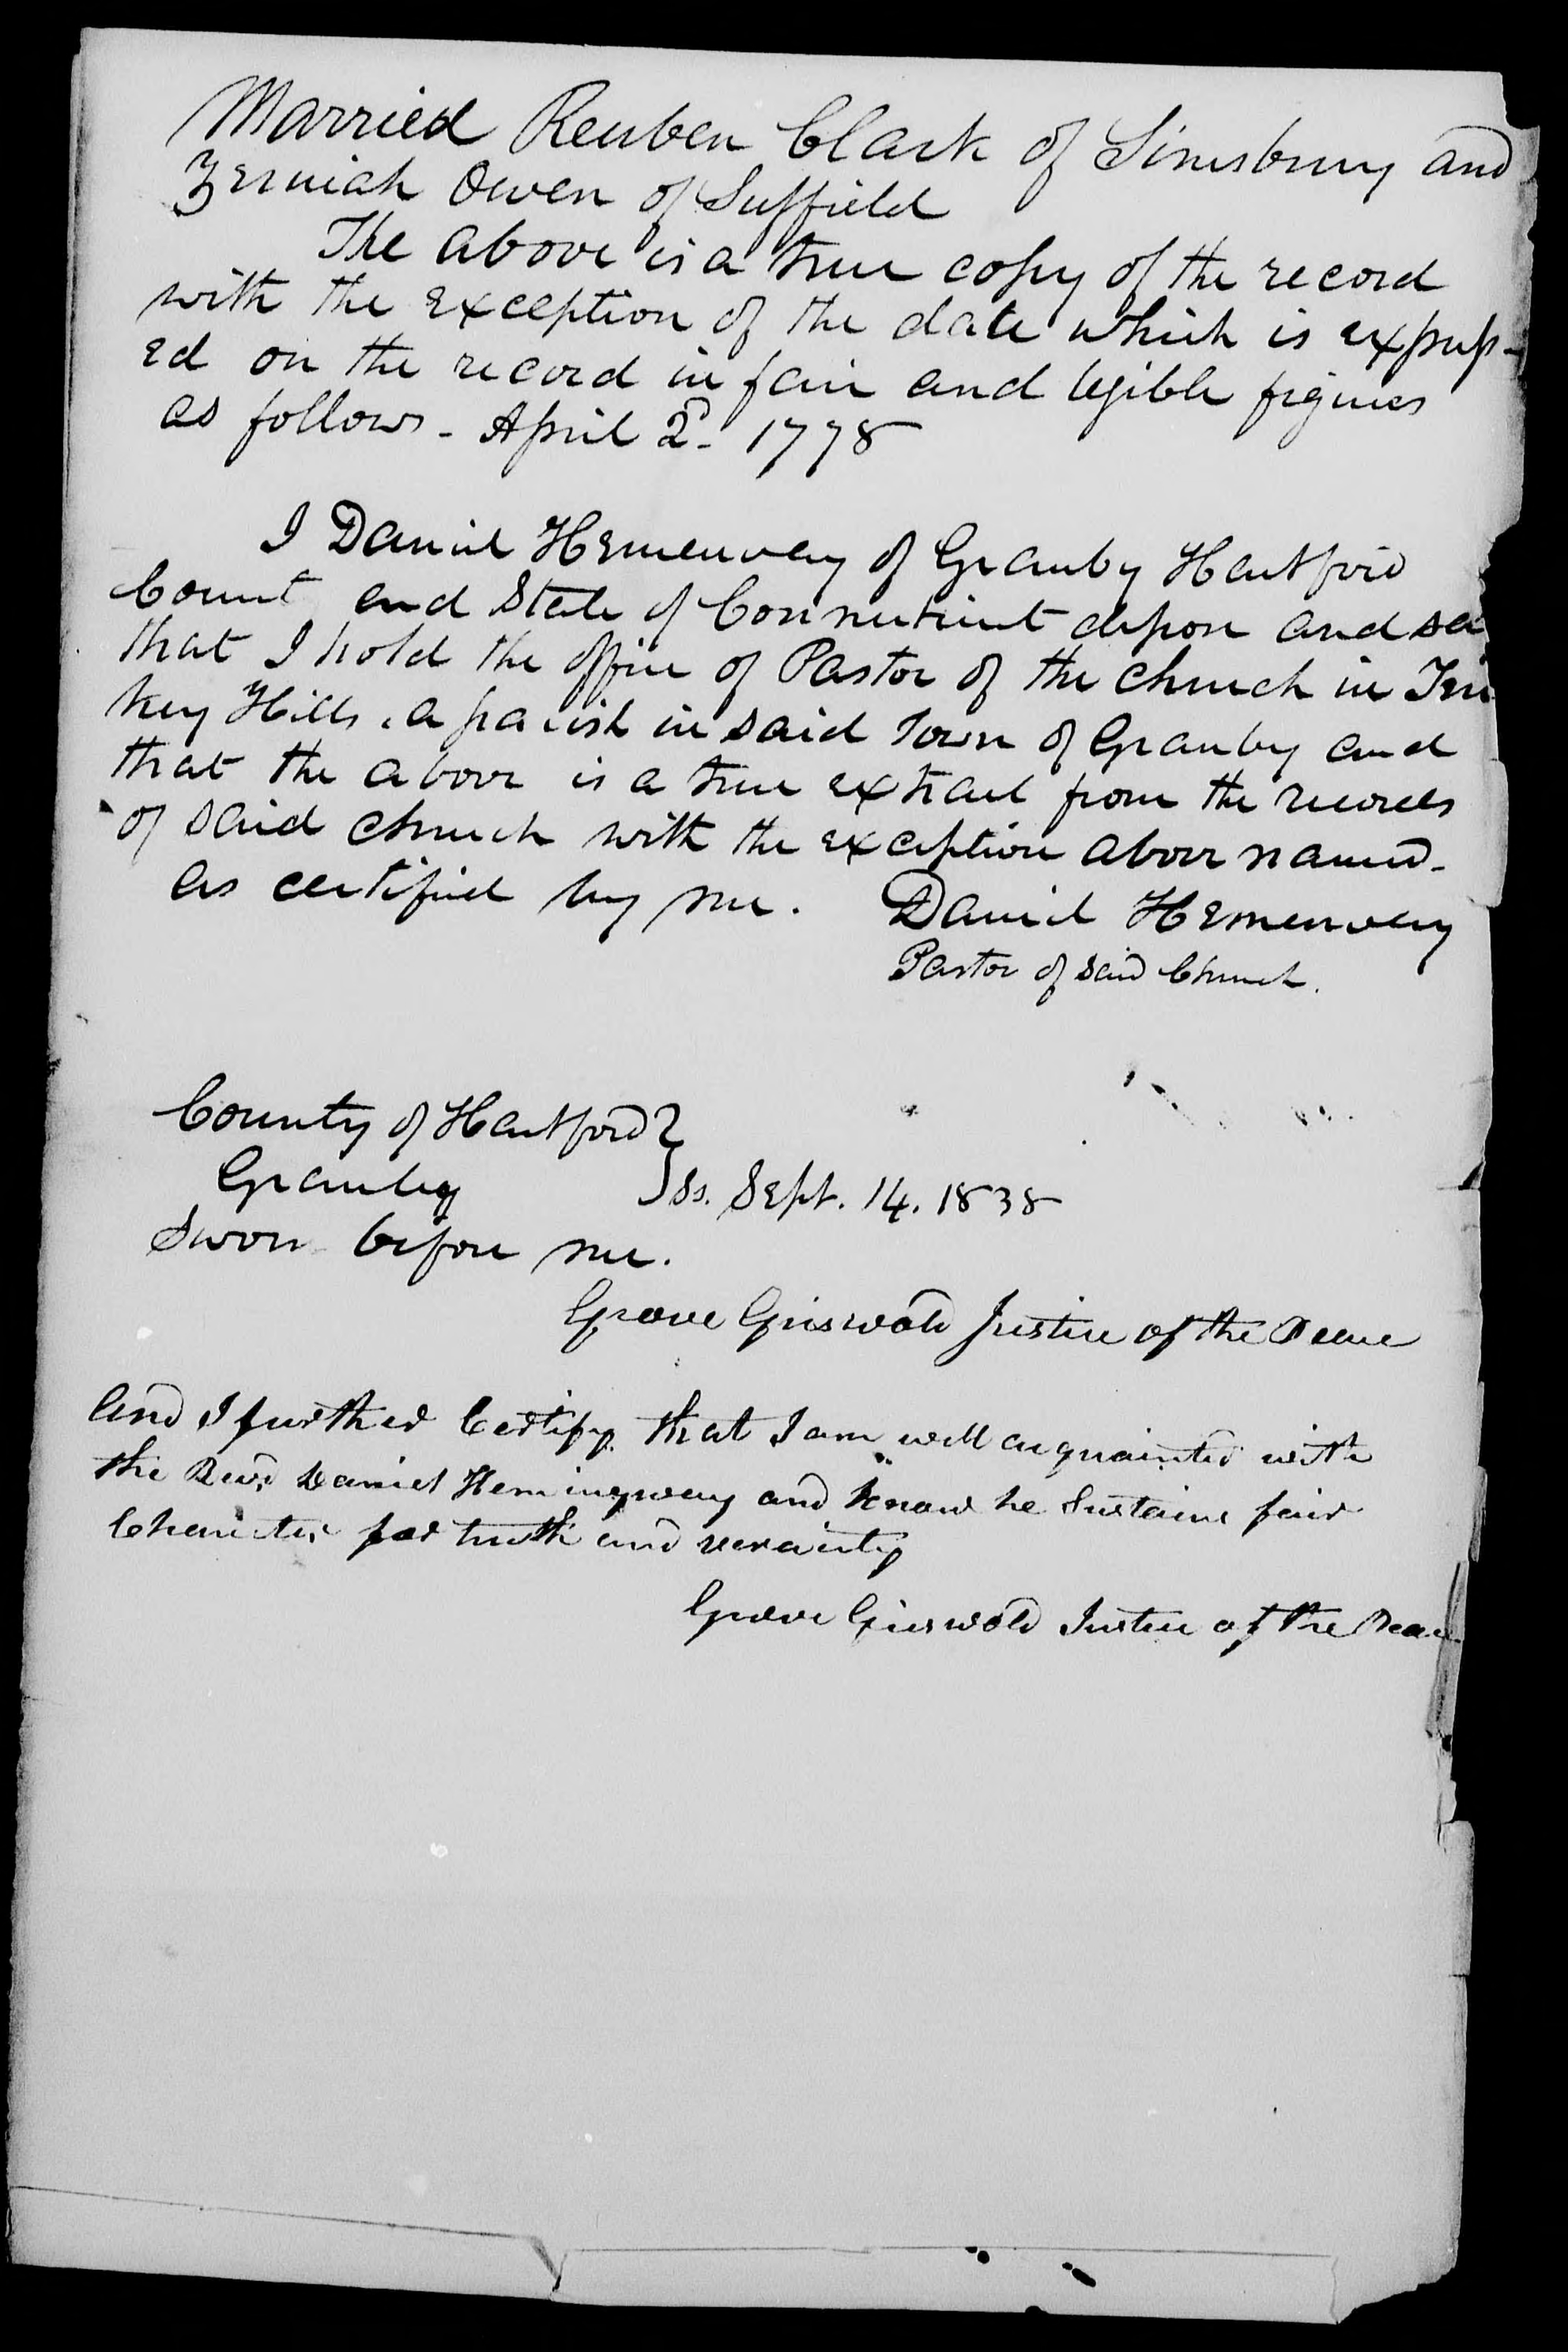[handwritten]	
Married Reuben Clark of Simsburg and Zeruiah Owen of Suffield
The above is a true copy of the record with the Exception of the date which is expressed on the record in fair and legible figures as follows – April 2d 1778

I David Hemenway of Granby Hartford County and State of Connecticut depose and say that I hold the Office of Pastor of the church in Tr[illegible] Hills, a parish in said Town of Granby and that the above is a true extract from the records of said church with the exception above named as certified by me
[signed] Daniel Hemenway
Pastor of Said Church

County of Hartford
Granby} ss Sept. 14. 1838
Sworn before me.
[signed] Grove Griswold Justice of the Peace

And I further Certify that I am well acquainted with the Revd Daniel Hemingway and know he Sustains fair character for truth and veracity
[signed] Grove Griswold Justice of the Peace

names: Daniel Hemingway, Daniel Hemenway, Daniel Hemenway, Grove Griswold, Reuben Clark, Grove Griswold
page: 7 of 26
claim: widow's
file: W. 14483, Reuben Clark, Conn.